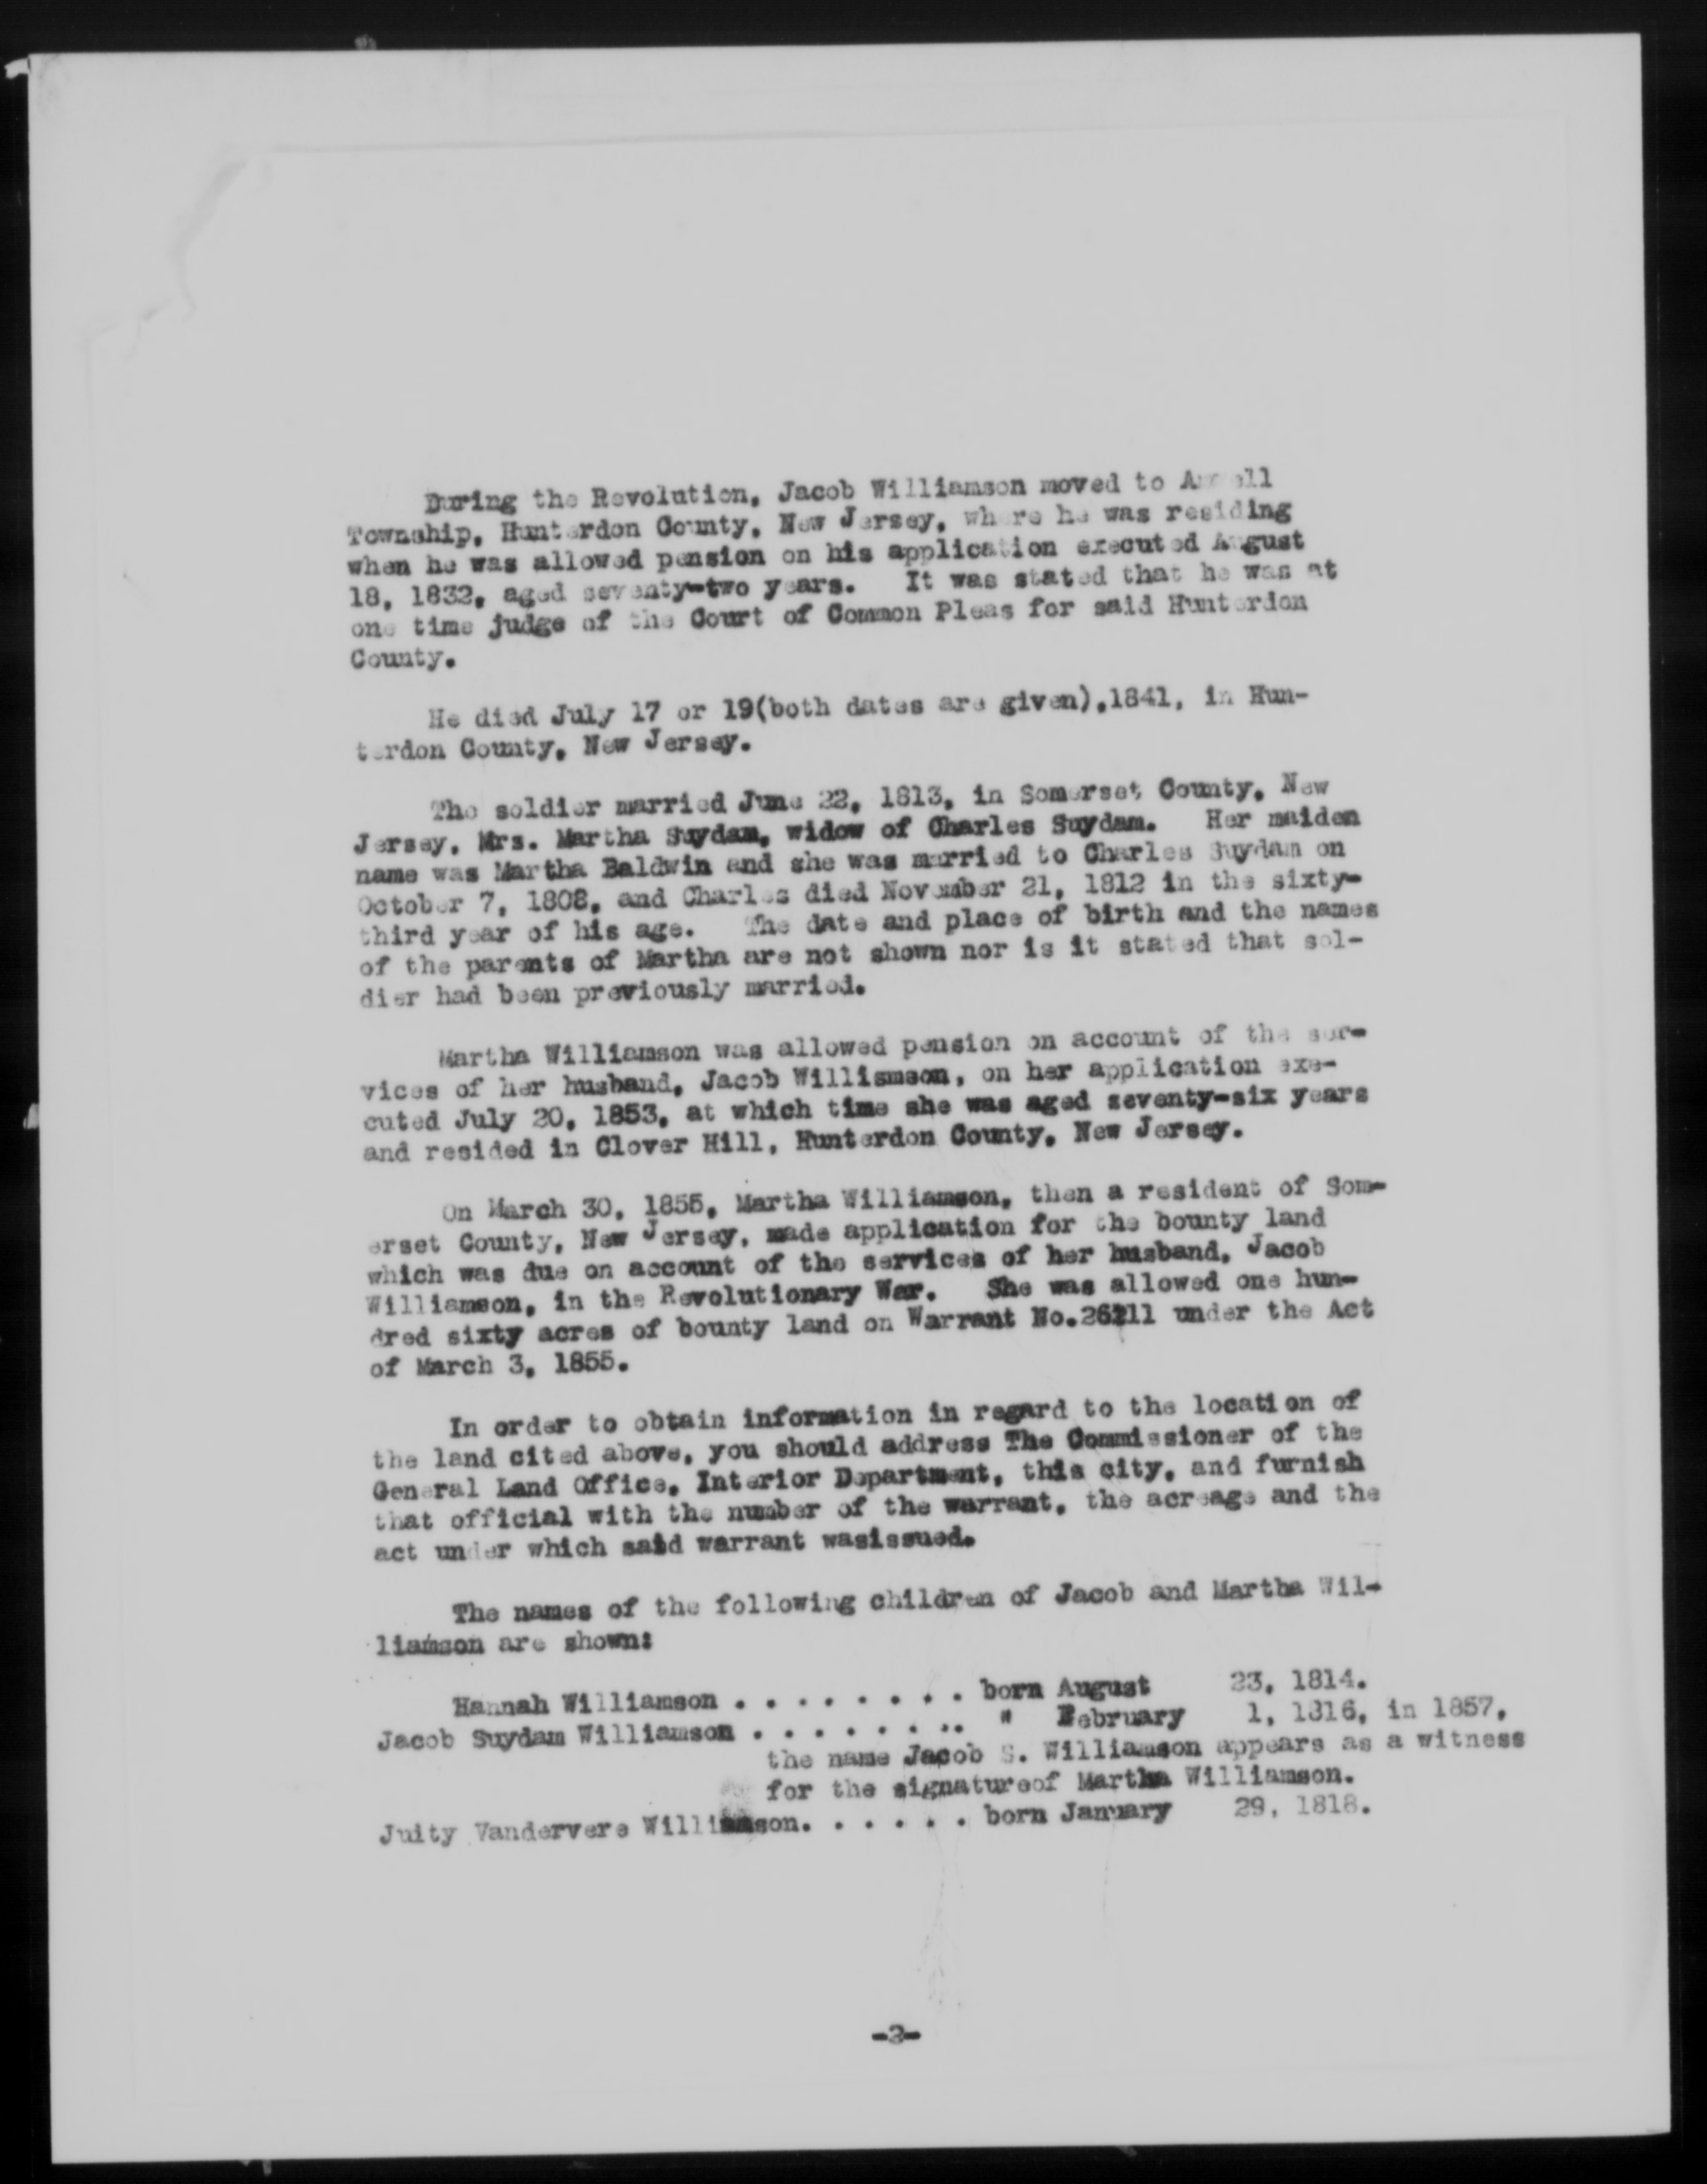...During the Revolution, Jacob Williamson moved to Amwell Township, Hunterdon County, New Jersey, where he was residing when he was allowed pension on his application executed August 18, 1832, aged seventy-two years. It was stated that he was at one time judge of the Court of Common Pleas for said Hunterdon County.

He died July 17 or 19 (both dates are given ), 1841, in Hunterdon County, New Jersey.

The soldier married June 22, 1813, in Somerset County, New Jersey, Mrs. Martha Suydam, widow of Charles Suydam. Her maiden name was Martha Baldwin and she was married to Charles Suydam on October 7, 1808, and Charles died November 21, 1812 in the sixty-third year of his age. The date and place of birth and the names of the parents of Martha are not shown nor is it stated that soldier had been previously married.

Martha Williamson was allowed pension on account of the services of her husband, Jacob Williamson, on her application executed July 20, 1853, at which time she was aged seventy-six years and resided in Clover Hill, Hunterdon County, New Jersey.

On March 30, 1855, Martha Williamson, then a resident of Somerset County, New Jersey, made application for the bounty land which was due on account of the services of her husband, Jacob Williamson, in the Revolutionary War. She was allowed one hundred sixty acres of bounty land on Warrant No. 26211 under the Act of March 3, 1855.

In order to obtain information in regard to the location of the land cited above, you should address The Commissioner of the General Land Office, Interior Department, this city, and furnish that official with the number of the warrant, the acreage and the act under which said warrant was issued.

The names of the following children of Jacob and Martha Williamson are shown:

Hannah Williamson...............born August 23, 1814.
Jacob Suydam Williamson.........born February 1, 1816, in 1857, the name Jacob S. Williamson appears as a witness for the signature of Martha Williamson.
Juity Vandervere Williamson.....born January 29, 1818...

- 2 -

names: Jacob Williamson, Charles Suydam, Martha Williamson, Juity Vandervere Williamson, Hannah Williamson, Martha Suydam, Jacob Suydam Williamson, Martha Baldwin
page: 24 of 67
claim: widow's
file: W. 2393, Jacob Williamson, New Jersey